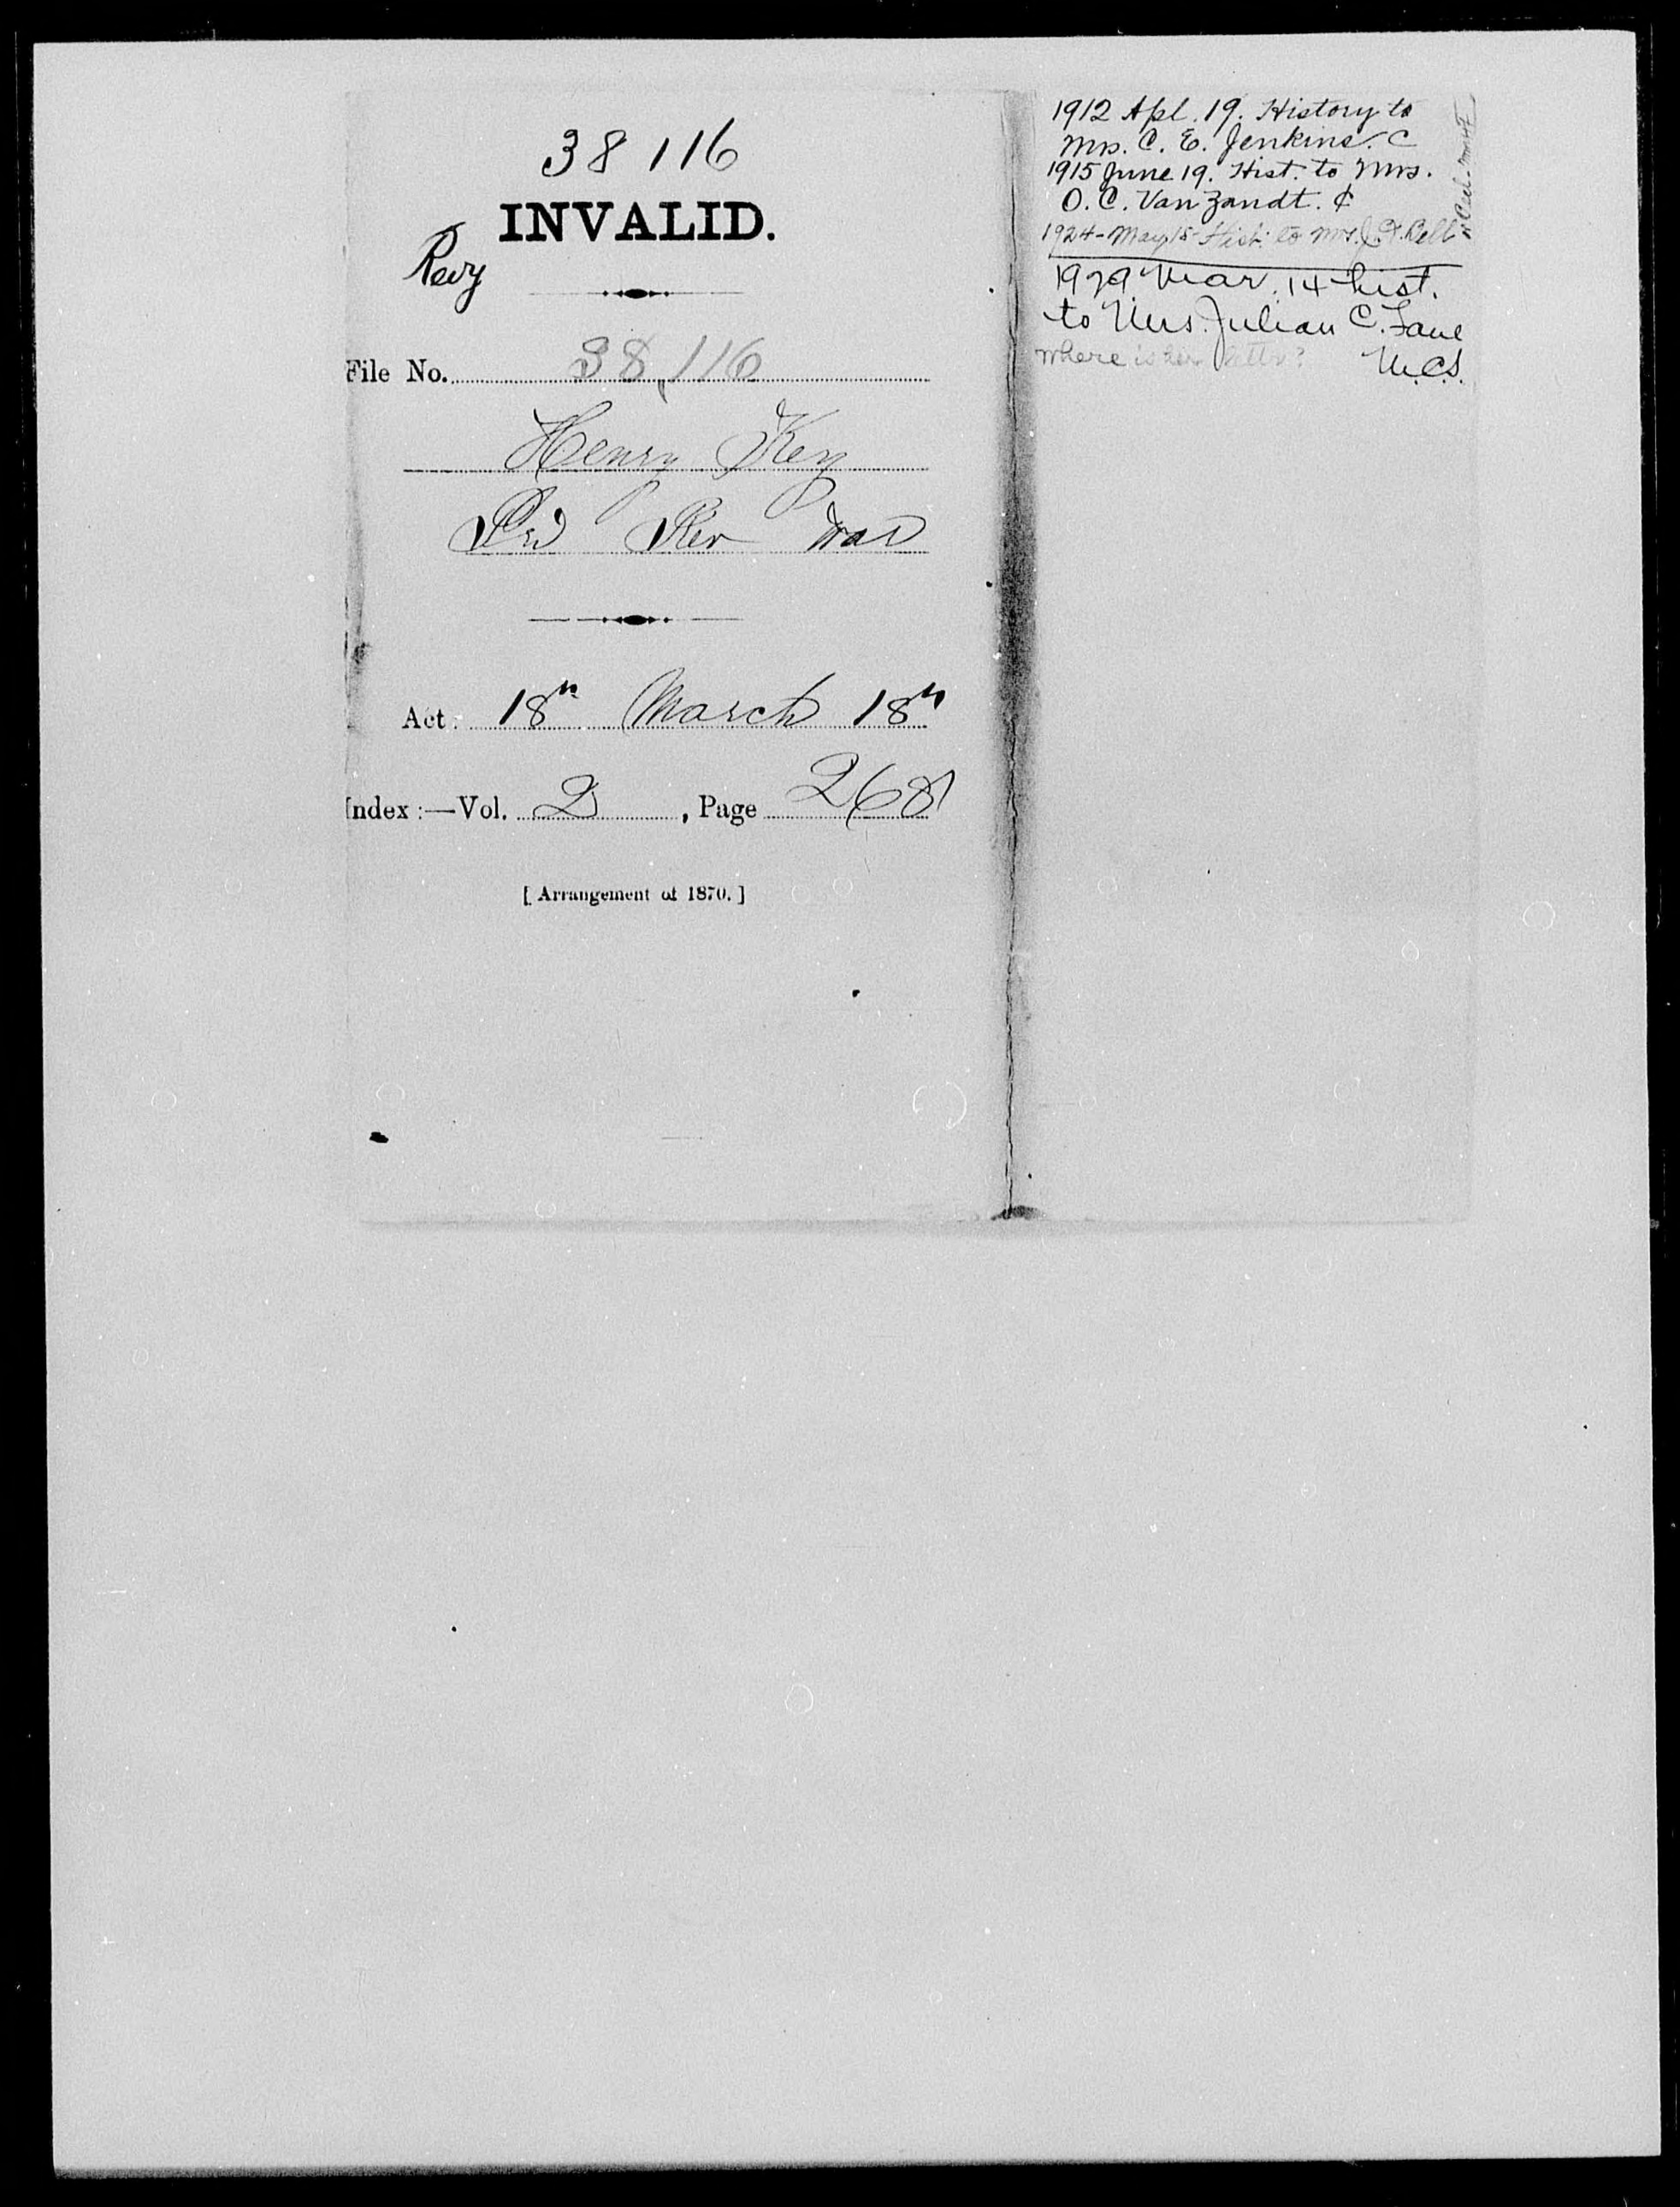Page 20

Left side of the page 
38116
INVALID
Rery
File No. 38,116
ASSES
Henry Key
Pri Rev War
Act 18th
Act 18th
March 18
Index:--Vol. 2, Page 21
Arrangement of 1870.]
wherein to the
Right side of the page

1912 Apl. 19. History to
Mrs. C. E. Jenkins. C
1915 June 19. Hist. to Mrs.
O. C. Van Zandt. &
1924-May 18 Hist to Mr. All
929 Mar. 14 list
to Mrs. Julian C. Lane
Mich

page: 20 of 25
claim: survivor's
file: S 38116, for Henry Key, Virginia